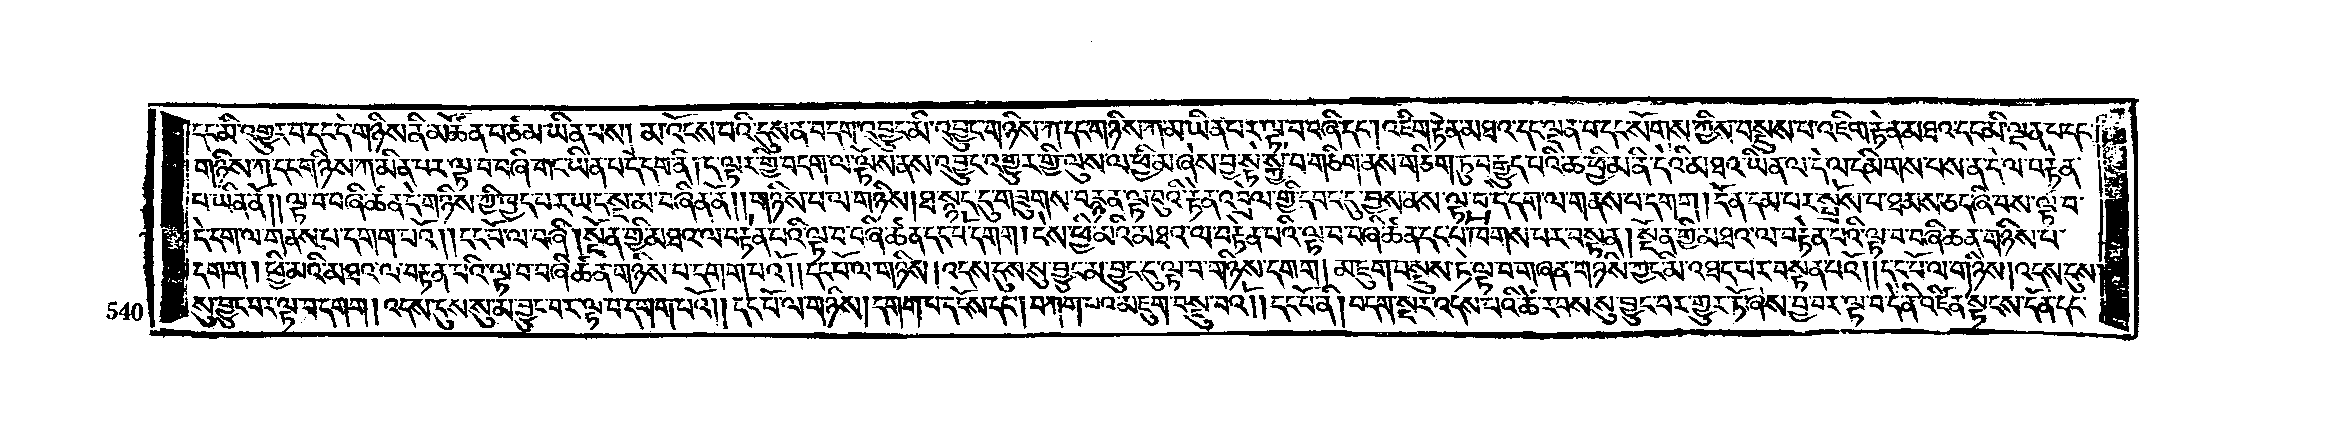དང་མི་འགྱུར་བ་དང་དེ་གཉིས་ནི་མཚོན་པ་ཙམ་ཡིན་པས། མ་འོངས་པའི་དུས་ན་བདག་འབྱུང་མི་འབྱུང་གཉིས་ཀ་དང་གཉིས་ཀ་མ་ཡིན་པར་ལྟ་བ་བཞི་དང་། འྨིག་རྟེན་མཐའ་དང་ལན་པ་དང་སོགས་ཀྱིས་བསྡུས་པ་འཇིག་རྟེན་མཐའ་དང་མི་ལྡན་པ་དང་
གཉིས་ཀ་དང་གཉིས་ཀ་མིན་པར་ལྟ་བ་བཞི་གང་ཡིན་པ་དང་དག་ནི། དེ་ལྟར་ཡིག་བདག་ལ་ལྟོས་ནས་འབྱུང་འགྱུར་གྱི་ལུས་ལ་ཕྱི་མ་ཞེས་བྱ་བ་སྟེ་སྐྱེ་བ་གཅིག་ནས་གཅིག་ཏུ་བརྒྱུད་པའི་ཆ་ཕྱི་མ་ནི་དེའི་མཐའ་ཡིན་ལ་དེ་ལ་དམིགས་པས་ན་དེ་ལ་བརྟེན་
པ་ཡིན་ནོ། །ལྟ་བ་བཞི་ཚན་དེ་གཉིས་ཀྱི་ཁྱད་པར་ཡང་སྔ་མ་བཞིན་ནོ། །གཉིས་པ་ལ་གཉིས། ཐ་སྙད་དུ་གཟུགས་བརྙད་ལྟ་བུའི་རྟེན་འབྲེལ་གྱི་དབང་དུ་བྱས་ནས་ལྟ་བ་དེ་དག་ལ་གནས་བ་དགག། དོན་དམ་པར་སྤྲོས་པ་ཐམས་ཅད་ཞི་བས་ལྟ་བ་
དེ་དག་ལ་གནས་པ་དགག་པའོ། །དང་པོ་ལ་བཞི། སྔོན་གྱི་མཐའ་ལ་བརྟེན་པའི་ལྷག་བ་བཞི་ཚད་དང་པོ་དགག། དེས་ཕྱི་མའི་མ་མཐའ་ལ་བརྟེན་པའི་ལྟ་བ་བཞི་ཚན་དང་པོ་ཁེགས་པར་བསྟན། སྔོན་ཡི་མཐའ་ལ་བརྟེན་པའི་ལྟ་བ་བཞི་ཆན་གཉིས་པ་
དགག། ཕྱི་མའི་མཐའ་ལ་བརྟེན་པའི་ཏ་བ་བཞིན་ཆེན་གཉིས་པ་དགག་པའོ། །དང་པོ་ལ་གཉིས། འདས་དུས་སུ་བྱུང་མ་བྱུང་དུ་ལྟ་བ་གཉིས་དགག། མཇུག་བསྡུད་ད་ལྟ་བ་གཞན་གྱི་ཀྱང་མེ་འཐད་པར་བསྟན་པའོ། །དང་པོ་ལ་གཉིས། འདས་དུས་
སུ་བྱུང་བར་ལྟ་བ་དགག། འདས་དུས་སུ་མ་བྱུང་བར་ལྟ་བ་དག་པའོ། །དང་པ་ལ་གཉིས། དགག་པ་དངོས་དང་། བཀག་པའི་མཇུག་བསྡུ་པའོ། །དང་པོ་ནི། བདག་སྔར་འདས་པའི་ཚེ་རབས་སུ་བྱུང་བར་གྱུར་ཏོ་ཞེས་བྱ་བར་ལྟ་རབ་དེ་ནི་འཛིན་སྟངས་དོན་དང་